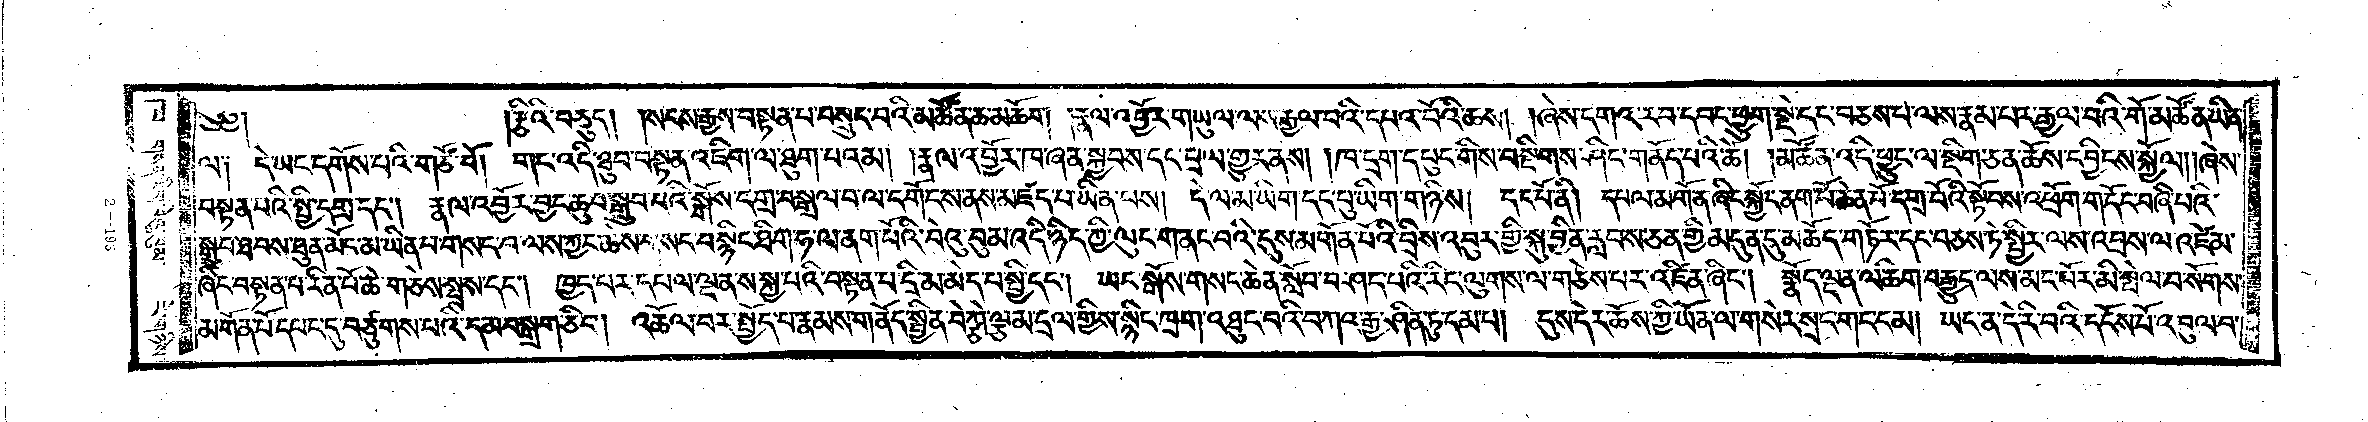༄༅། །རྩིའི་བཅུད། །སངས་རྒྱས་བསྟན་པ་བསྲུང་བའི་མཚོན་ཆ་མཆོག །རྣལ་འབྱོར་གཡུལ་ལས་རྒྱལ་བའི་དཔའ་བོའི་ཆས། །ཞེས་དགའ་རབ་དབང་ཕྱུག་སྡེ་དང་བཅས་པ་ལས་རྣམ་པར་རྒྱལ་བའི་གོ་མཚོན་ཡིན་
ལ༑ དེ་ཡང་དགོས་པའི་གཙོ་བོ། གང་འདི་ཐུབ་བསྟན་འཇིག་ལ་ཐུག་པའམ། །རྣལ་འབྱོར་ཁ་ཞན་སྐྱབས་དང་བྲལ་གྱུར་ནས། །ཁ་དྲག་དཔུང་གིས་བསྡིགས་ཤིང་གནོད་པའི་ཚེ། །མཚོན་འདི་ཕྱུང་ལ་སྡིག་ཅན་ཆོས་དབྱིངས་སྐྱོལ། །ཞེས་
བསྟན་པའི་སྤྱི་དགྲ་དང་། རྣལ་འབྱོར་བྱང་ཆུབ་སྒྲུབ་པའི་སྒོས་དགྲ་བསྒྲལ་བ་ལ་དགོངས་ནས་མཛད་པ་ཡིན་པས། དེ་ལ་མ་ཡིག་དང་བུ་ཡིག་གཉིས། དང་པོ་ནི། དཔལ་མགོན་ཞིང་སྐྱོང་ནག་པོ་ཆེན་པོ་དགྲ་བོའི་སྟོབས་འཕྲོག་གདོང་བཞི་པའི་
སྒྲུབ་ཐབས་ཐུན་མོང་མ་ཡིན་པ་གསང་བ་ལས་ཀྱང་ཆེས་གསང་བ་སྙིང་ཐིག་ཧ་ལ་ནག་པོའི་བེའུ་བུམ་འདི་ཉིད་ཀྱི་ལུང་གནང་བའི་དུས་མགོན་པོའི་བྲིས་འབུར་གྱི་སྐུ་བྱིན་རླབས་ཅན་གྱི་མདུན་དུ་མཆོད་གཏོར་དང་བཅས་ཏེ་སྤྱིར་ལས་འབྲས་ལ་འཛེམ་
ཞིང་བསྟན་པ་རིན་པོ་ཆེ་གཅེས་སྤྲས་དང་། ཁྱད་པར་དཔལ་ལྡན་ས་སྐྱ་པའི་བསྟན་པ་དྲི་མ་མེད་པ་སྤྱི་དང་། ཡང་སྒོས་གསང་ཆེན་སློབ་བ་ཤད་པའི་རིང་ལུགས་ལ་གཅེས་པར་འཛིན་ཞིང་། སྣོད་ལྡན་ལ་ཆིག་བརྒྱུད་ལས་མང་པོར་མི་སྤེལ་བ་སོགས་
མགོན་པོ་དབང་དུ་བཙུགས་པའི་དམ་བསྒྲག་ཅིང་། འཆོལ་བར་སྤྱོད་པ་རྣམས་གནོད་སྦྱིན་བེཀྩེ་ལྕམ་དྲལ་གྱིས་སྙིང་ཁྲག་འཐུང་བའི་བཀའ་རྒྱ་ཤིན་ཏུ་དམ་པ། དུས་དེར་ཆོས་ཀྱི་ཡོན་ལ་གསེར་སྲང་གང་ངམ། ཡང་ན་དེ་རི་བའི་དངོས་པོ་འབུལ་བ་